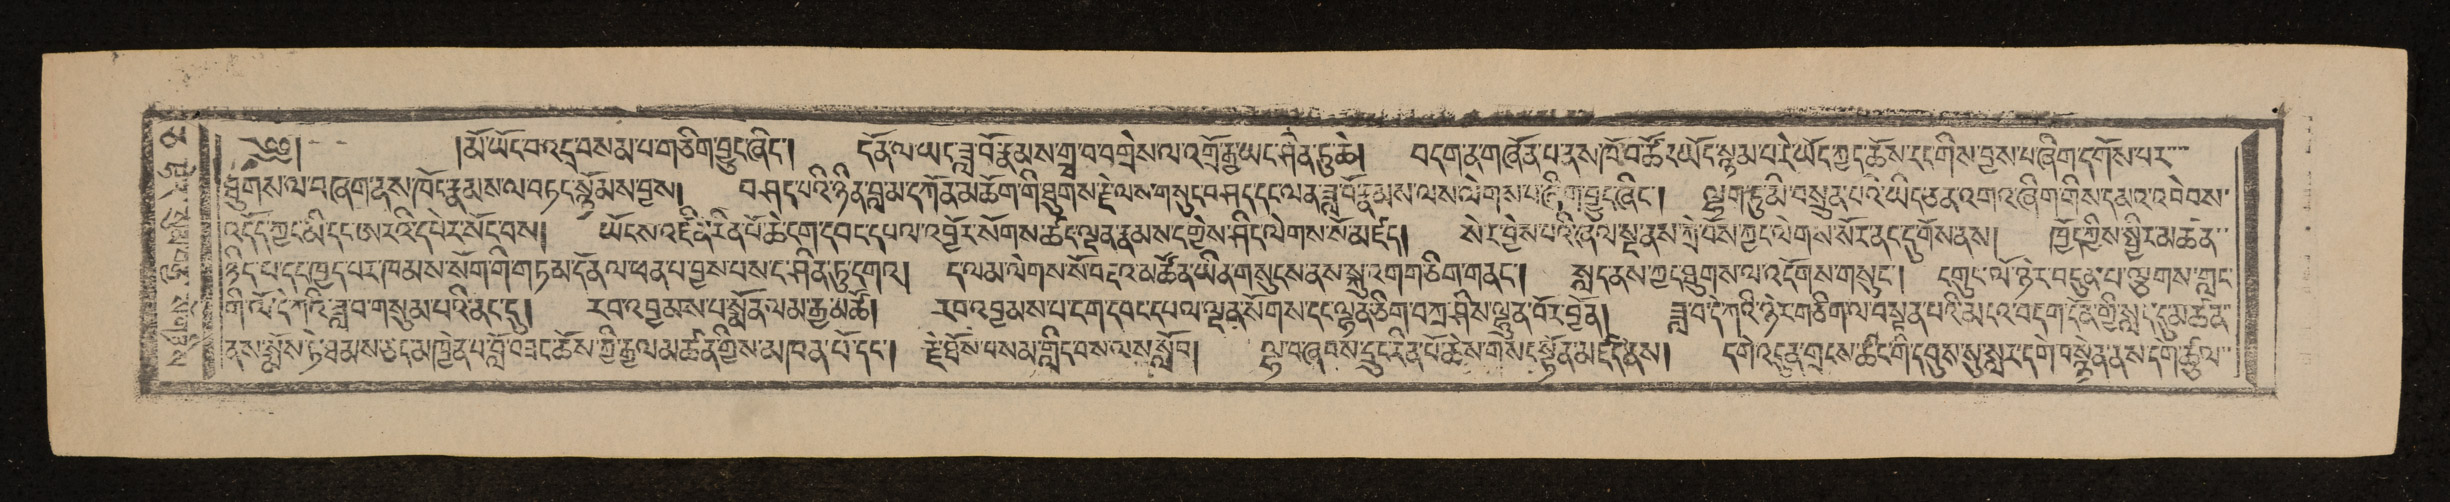༄༅། །མོ་ཡོང་བ་འདྲ་བསམ་པ་གཅིག་བྱུང་ཞིང་། དོན་ལ་ཡང་ཟླ་བོ་རྣམས་གྲྭ་བ་བགྲེས་ལ་འགྲོ་རྒྱ་ཡང་ཤིན་ཏུ་ཆེ། བདག་ན་གཞོན་པ་ནས་ཁོ་བ་ཚོར་ཡོང་སྙམ་པ་རེ་ཡོད་ཀྱང་ཆོས་རང་གིས་བྱས་པ་ཞིག་དགོས་པར་
ཐུགས་ལ་བཞག་ནས་ཁོང་རྣམས་ལ་བཏང་སྙོམས་བྱས། བཤད་པའི་ཉིན་བླ་མ་དཀོན་མཆོག་གི་ཐུགས་རྗེ་ལས་གསུང་བཤད་དང་ལན་ཟླ་བོ་རྣམས་ལས་ལེགས་པ་ཞིག་བྱུང་ཞིང་། ལྷག་ཏུ་མི་བསྲུན་པའི་ཡིད་ཅན་འགའ་ཞིག་གིས་དམའ་འབེབས་
འདོད་ཀྱང་མེ་དང་ཨ་རའི་དབེར་སོད་པས། ཡོངས་འཛིན་རིན་པོ་ཆེ་ངག་དབང་དཔལ་འབྱོར་སོགས་ཚད་ལྡན་རྣམས་དགྱེས་ཤིང་ལེགས་སོ་མཛད། སེར་བྱེས་བའི་ཞལ་སྔ་ནས་ཀྲེ་བོས་ཀྱང་ལེགས་སོར་ནང་དུ་བོས་ནས། ཁྱོད་ཀྱིས་སྤྱིར་མཚན་
ཉིད་པ་དང་ཁྱད་པར་ཁམས་སོག་གི་གཏམ་དོན་ལ་ཕན་པ་བྱས་པས་ང་ཤིན་ཏུ་དགའ། ད་ལམ་ལེགས་སོ་བརྡའ་མཚོན་ཡིན་གསུངས་ནས་སྐུ་འགག་ཅིག་གནང་། སླད་ནས་ཀྱང་ཐུགས་ལ་འདོགས་གསུང་། དགུང་ལོ་ཉེར་བདུན་པ་ལྕགས་གླང་
གི་ལོ་དེ་ཀའི་ཟླ་བ་གསུམ་པའི་ནང་དུ། རབ་འབྱམས་པ་སྨོན་ལམ་རྒྱ་མཚོ། རབ་འབྱམས་པ་ངག་དབང་དཔལ་ལྡན་སོགས་དང་ལྷན་ཅིག་བཀྲ་ཤིས་ལྷུན་པོར་བྱོན། ཟླ་བ་དེ་ཀའི་ཉེར་གཅིག་ལ་བསྟན་པའི་མངའ་བདག་དོན་གྱི་སླད་དུ་མཚན་
ནས་སྨོས་ཏེ་ཐམས་ཅད་མཁྱེན་པ་བློ་བཟང་ཆོས་ཀྱི་རྒྱལ་མཚན་གྱིས་མཁན་པོ་དང་། རྗེ་ཐོས་བསམ་གླིང་བས་ལས་སློབ། ལྷ་བ་ཞབས་དྲུང་རིན་པོ་ཆེས་གསང་སྟོན་མཛད་ནས། དགེ་འདུན་གྲངས་ཚང་གི་དབུས་སུ་སླར་དགེ་བསྙེན་ནས་དགེ་ཚུལ་